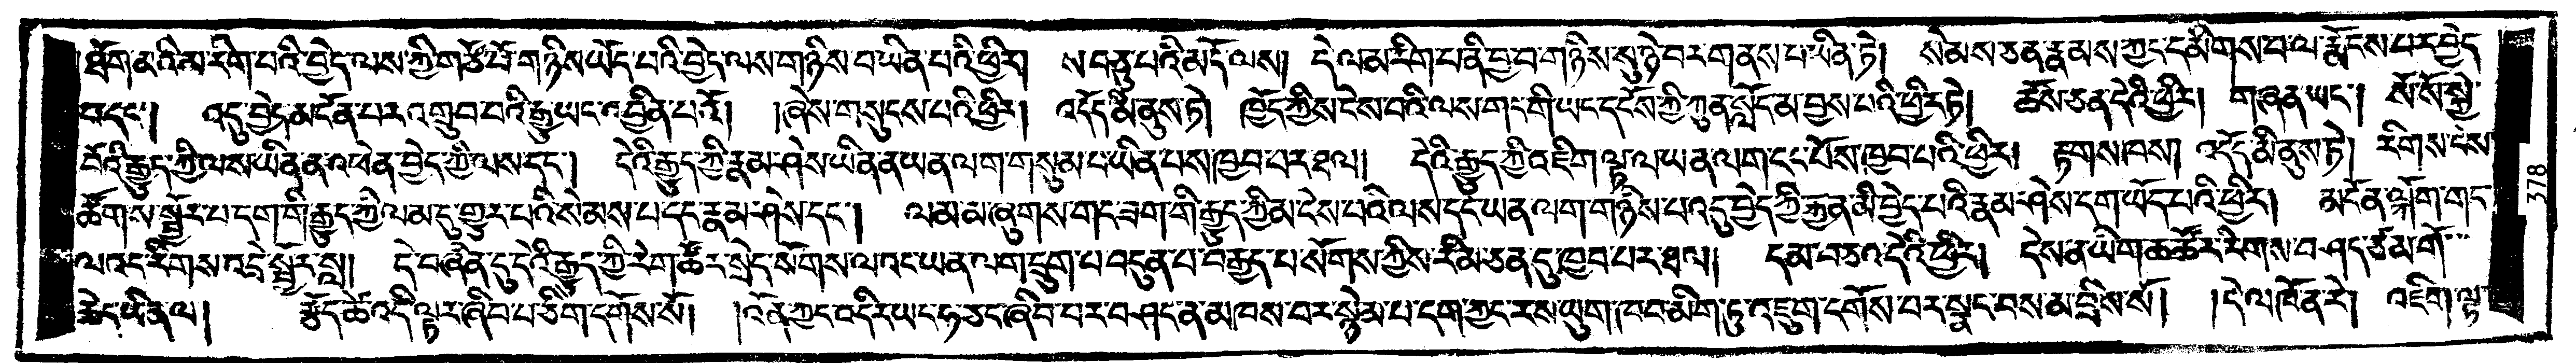ཐོག་མའི་མ་རིག་པའི་བྱེད་ལས་ཀྱི་གཙོ་བོ་གཉིས་ཡོད་པའི་བྱེད་ལས་གཉིས་པ་ཡིན་པའི་ཕྱིར། ས་བཅུ་པའི་མདོ་ལས། དེ་ལམ་རིག་པ་ནི་བྱ་བ་གཉིས་སུ་ཉེ་བར་གནས་པ་ཡིན་ཏེ། སེམས་ཅན་རྣམས་ཀྱང་དམིགས་པ་ལ་རྨོངས་པར་བྱེད་
པ་དང་། འདུ་བྱེད་མངོན་པར་འགྲུབ་པའི་རྒྱུ་ཡང་འབྱིན་པའོ། །ཞེས་གསུངས་པའི་ཕྱིར། འདོད་མི་ནུས་ཏེ། ཁྱོད་ཀྱིས་ངེས་པའི་ལས་གང་གི་ཡང་དངོས་ཀྱི་ཀུན་སློང་མ་བྱས་པའི་ཕྱིར་ཏེ། ཆོས་ཅན་དེའི་ཕྱིར། གཞན་ཡང་། སོ་སོ་སྐྱེ་
བོའི་རྒྱུད་ཀྱི་ལས་ཡིན་ན་འཕེན་བྱེད་ཀྱི་ལས་དང་། དེའི་རྒྱུད་ཀྱི་རྣམ་ཤེས་ཡིན་ན་ཡན་ལག་གསུམ་པ་ཡིན་པས་ཁྱབ་པར་ཐལ། དེའི་རྒྱུད་ཀྱི་འཇིག་ལྟ་ལ་ཡན་ལག་དང་པོས་ཁྱབ་པའི་ཕྱིར། རྟགས་ཁས། འདོད་མི་ནུས་ཏེ། རིགས་ངེས་
ཚོགས་སྦྱོར་པ་དག་གི་རྒྱུད་ཀྱི་ལམ་དུ་གྱུར་པའི་སེམས་པ་དང་རྣམ་ཤེས་དང་། ལམ་མ་ཞུགས་གང་ཟག་གི་རྒྱུད་ཀྱི་མ་ངེས་པའི་ལས་དང་ཡན་ལག་གཉིས་པ་འདུ་བྱེད་ཀྱི་རྒྱན་མི་བྱེད་པའི་རྣམ་ཤེས་དག་ཡོད་པའི་ཕྱིར། མངོན་ལྐོག་གང་
ལའང་རིགས་འདྲེ་སྦྱོར་སླ། དེ་བཞིན་དུ་དེའི་རྒྱུད་ཀྱི་རེག་ཚོར་སྲེད་སོགས་ལའང་ཡན་ལག་དྲུག་པ་བདུན་པ་བརྒྱད་པ་སོགས་ཀྱིས་རིམ་ཅན་དུ་ཁྱབ་པར་ཐལ། དམ་བཅའ་དེའི་ཕྱིར། དེས་ན་ཡིག་ཆ་ཚོར་རིགས་བཤད་ཙམ་གོ་
ཆེད་ཡིན་ལ། རྩོད་ཚེ་འདི་ལྟར་ཞིབ་པ་ཅིག་དགོས་སོ། །འོན་ཀྱང་འདིར་ཡང་ཧ་ཅང་ཞིབ་པར་བཤད་ན་མཁས་པར་སྙེམ་པ་དག་ཀྱང་རས་ཡུག་ཁ་བ་མིག་ཏུ་འཇུག་དགོས་པར་སྣང་བས་མ་བྲིས་སོ། །དེ་ལ་ཁོ་ན་རེ། འཇིག་ལྟ་